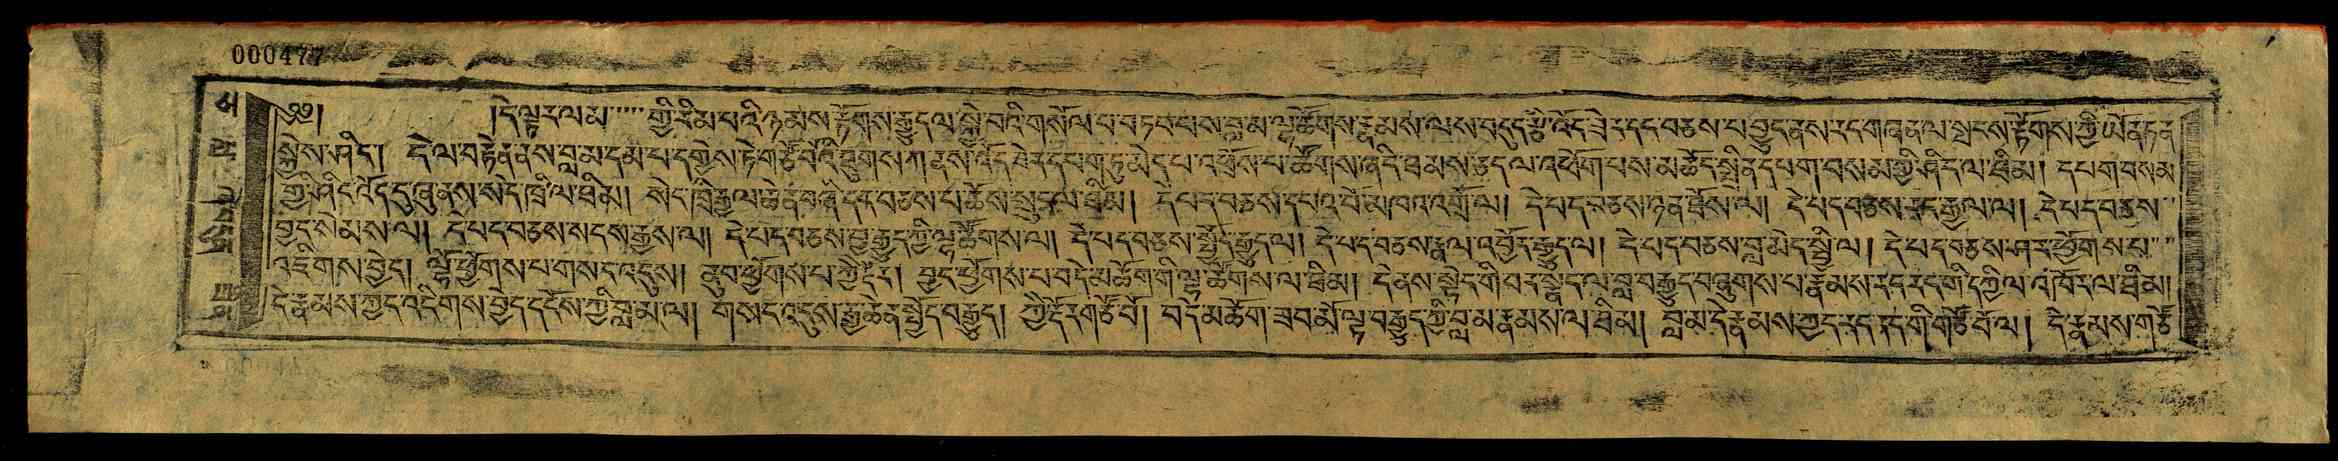༄༅། །དེ་ལྟར་ལམ་གྱི་རིམ་པའི་ཉམས་རྟོགས་རྒྱུད་ལ་སྐྱེ་བའི་གསོལ་བ་བཏབ་པས་བླ་མ་ལྷ་ཚོགས་རྣམས་ལས་བདུད་རྩི་འོད་ཟེར་དང་བཅས་པ་བྱུང་ནས་རང་གཞན་ལ་སྤངས་རྟོགས་ཀྱི་ཡོན་ཏན་
སྐྱེས་ཤིང་། དེ་ལ་བརྟེན་ནས་བླ་མ་དམ་པ་དགྱེས་ཏེ་གཙོ་བོའི་ཐུགས་ཀ་ནས་འོད་ཟེར་དཔག་ཏུ་མེད་པ་འཕྲོས་པ་ཚོགས་ཞིང་ཐམས་ཅད་ལ་འཕོག་པས་མཆོད་སྤྲིན་དཔག་བསམ་གྱི་ཤིང་ལ་ཐིམ། དཔག་བསམ་
གྱི་ཤིང་འོད་དུ་ཞུ་ནས་སེང་ཁྲི་ལ་ཐིམ། སེང་ཁྲི་རྒྱལ་ཆེན་བཞི་དང་བཅས་པ་ཆོས་སྲུང་ལ་ཐིམ། དེ་པད་བཅས་དཔའ་བོ་མཁའ་འགྲོ་ལ། དེ་པད་བཅས་ཉན་ཐོས་ལ། དེ་པད་བཅས་རང་རྒྱལ་ལ། དེ་པད་བཅས་
བྱང་སེམས་ལ། དེ་པད་བཅས་སངས་རྒྱས་ལ། དེ་པད་བཅས་བྱ་རྒྱུད་ཀྱི་ལྷ་ཚོགས་ལ། དེ་པད་བཅས་སྤྱོད་རྒྱུད་ལ། དེ་པད་བཅས་རྣལ་འབྱོར་རྒྱུད་ལ། དེ་པད་བཅས་བླ་མེད་སྤྱི་ལ། དེ་པད་བཅས་ཤར་ཕྱོགས་པ་
འཇིགས་བྱེད། ལྷོ་ཕྱོགས་པ་གསང་འདུས། ནུབ་ཕྱོགས་པ་ཀྱཻ་རྡོར། བྱང་ཕྱོགས་པ་བདེ་མཆོག་གི་ལྷ་ཚོགས་ལ་ཐིམ། དེ་ནས་སྟེང་གི་བར་སྣང་ལ་བླ་བརྒྱུད་བཞུགས་པ་རྣམས་རང་རང་གི་དཀྱིལ་འཁོར་ལ་ཐིམ།
དེ་རྣམས་ཀྱང་འཇིགས་བྱེད་དངོས་ཀྱི་བླ་མ་ལ། གསང་འདུས་རྒྱ་ཆེན་སྤྱོད་བརྒྱུད། ཀྱཻ་རྡོར་གཙོ་བོ། བདེ་མཆོག་ཟབ་མོ་ལྟ་བརྒྱུད་ཀྱི་བླ་མ་རྣམས་ལ་ཐིམ། བླ་མ་དེ་རྣམས་ཀྱང་རང་རང་གི་གཙོ་བོ་ལ། དེ་རྣམས་གཙོ་